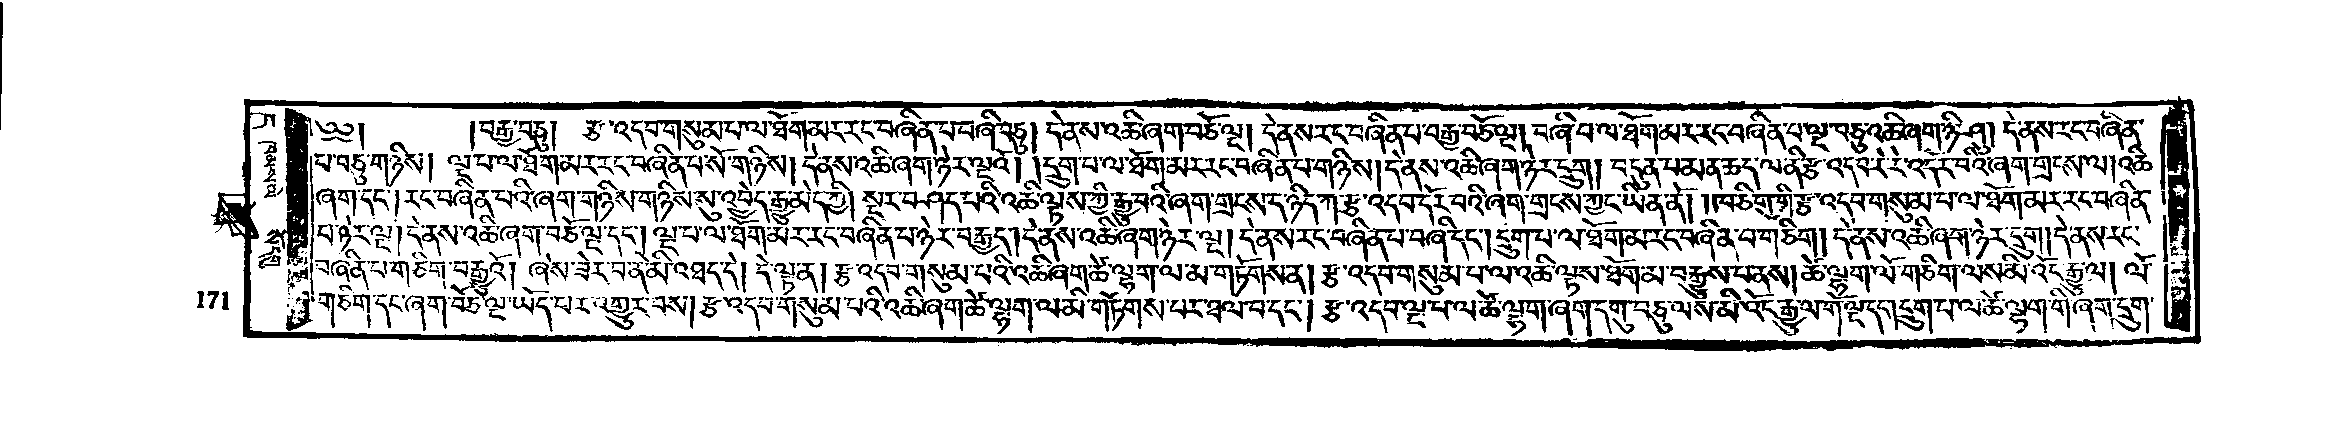༄༅། །བརྒྱ་བཅུ། རྩ་འདབ་གསུམ་པ་ལ་ཐོག་མར་རང་བཞིན་པ་བཞི་བཅུ། དེ་ནས་འཆི་ཞག་བཅོ་ལྔ། དེ་ནས་རང་བཞིན་པ་བརྒྱ་བཅོ་ལྔ། བཞི་པ་ལ་ཐོག་མར་རང་བཞིན་པ་ལྔ་བཅུ་འཆི་ཞག་ཉི་ཤུ། དེ་ནས་རང་བཞིན་
པ་བཅུ་གཉིས། ལྔ་པ་ལ་ཐོག་མར་རང་བཞིན་པ་སོ་གཉིས། དེ་ནས་འཆི་ཞག་ཉེར་ལྔའོ། །དྲུག་པ་ལ་ཐོག་མར་རང་བཞིན་པ་གཉིས། དེ་ནས་འཆི་ཞག་ཉེར་དྲུག །བདུན་པ་མན་ཆད་ལ་ནི་རྩ་འདབ་རེ་རེ་འདོར་བའི་ཞག་གྲངས་ལ། འཆི་
ཞག་དང་། རང་བཞིན་པའི་ཞག་གཉིས་གཉིས་སུ་འབྱེད་རྒྱུ་མེད་ཀྱི། སྔར་བཤད་པའི་འཆི་ལྟས་ཀྱི་རྒྱུ་བའི་ཞག་གྲངས་ད་ཉིད་ཀ་རྩ་འདབ་དོར་བའི་ཞག་གྲངས་ཀྱང་ཡིན་ནོ། །ཁ་ཅིག་གི་རྩ་འདབ་གསུམ་པ་ལ་ཐོག་མར་རང་བཞིན་
པ་ཉེར་ལྔ། དེ་ནས་འཆི་ཞག་བཅོ་ལྔ་དང་། ལྔ་པ་ལ་ཐོག་མར་རང་བཞིན་པ་ཉེར་བརྒྱད། དེ་ནས་འཆི་ཞག་ཉེར་ལྔ། དེ་ནས་རང་བཞིན་པ་བཞི་དང་། དྲུག་པ་ལ་ཐོག་མ་རང་བཞིན་པ་གཅིག །དེ་ནས་འཆི་ཞག་ཉེར་དྲུག །དེ་ནས་རང་
བཞིན་པ་གཅིག་བརྒྱུའོ། ཞེས་ཟེར་བ་ནི་མི་འཐད་དེ། དེ་ལྟ་ན། རྩ་འདབ་གསུམ་པའི་འཆི་ཞག་ཚེ་ལྷག་ལ་མ་གཏོགས་ན། རྩ་འདབ་གསུམ་པ་ལ་འཆི་ལྟས་ཐོག་མ་བརྒྱུས་པ་ནས། ཚེ་ལྷག་ལོ་གཅིག་ལས་མི་འོང་རྒྱུ་ལ། ལོ་
གཅིག་དང་ཞག་བཅོ་ལྔ་ཡོད་པར་འགྱུར་བས། རྩ་འདབ་གསུམ་པའི་འཆི་ཞག་ཚེ་ལྷག་ལ་མི་གཏོགས་པར་ཐལ་བ་དང་། རྩ་འདབ་ལྔ་པ་ལ་ཚེ་ལྷག་ཞག་དགུ་བཅུ་ལས་མི་འོང་རྒྱུ་ལ་གོ་ལྔ་དང་། དྲུག་པ་ལ་ཚེ་ལྷག་གི་ཞག་དྲུག་